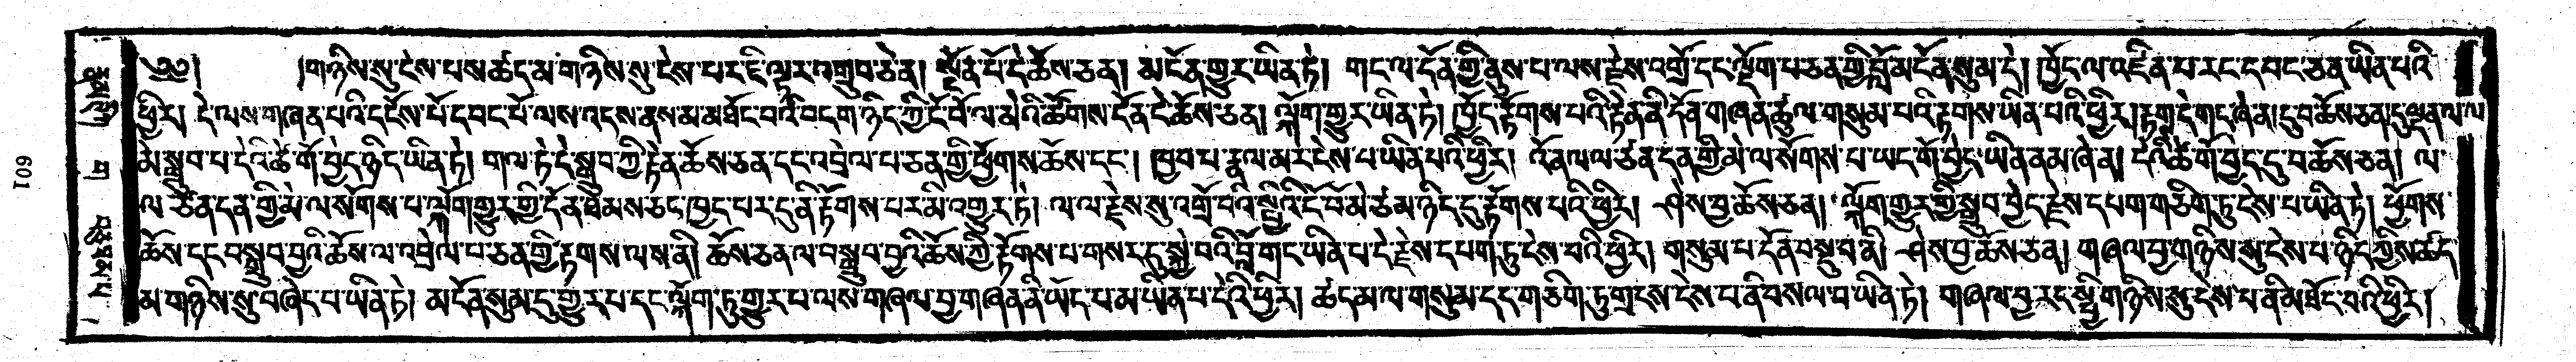༄༅། །གཉིས་སུ་ངེས་པས་ཚད་མ་གཉིས་སུ་ངེས་པར་ཇི་ལྟར་འགྲུབ་ཅེ་ན། སྔོན་པོ་དེ་ཆོས་ཅན། མངོན་གྱུར་ཡིན་ཏེ། གང་ལ་དོན་གྱི་ནུས་པ་ལས་རྗེས་འགྲོ་དང་ལྡོག་པ་ཅན་གྱི་བློ་མངོན་སུམ་དེ། ཁྱོད་ལ་འཛིན་པ་རང་དབང་ཅན་ཡིན་པའི་
ཕྱིར། དེ་ལས་གཞན་པའི་དངོས་པོ་དབང་པོ་ལས་འདས་ནས་མ་མཐོང་བའི་བདག་ཉིད་ཀྱི་ངོ་བོ་ལ་མེའི་ཚོགས་དོན་དེ་ཆོས་ཅན། ལྐོག་གྱུར་ཡིན་ཏེ། ཁྱོད་རྟོགས་པའི་རྟེན་ནི་དོན་གཞན་ཚུལ་གསུམ་པའི་རྟགས་ཡིན་པའི་ཕྱིར། རྟག་དེ་གང་ཞེ་ན། དུ་བ་ཆོས་ཅན། དུ་ལྡན་ལ་ལ་
མེ་སྒྲུབ་པ་དེའི་ཚེ་གོ་བྱེད་ཉིད་ཡིན་ཏེ། གལ་ཏེ་དེ་སྒྲུབ་ཀྱི་རྟེན་ཆོས་ཅན་དང་འབྲེལ་བ་ཅན་གྱི་ཕྱོགས་ཆོས་དང་། ཁྱབ་པ་རྣལ་མར་ངེས་པ་ཡིན་པའི་ཕྱིར། འོ་ན་ལ་ལ་ཙན་དན་གྱི་མེ་ལ་སོགས་པ་ཡང་གོ་བྱེད་ཡིན་ནམ་ཞེ་ན། དེའི་ཚེ་གོ་བྱེད་དུ་བ་ཆོས་ཅན། ལ་
ལ་ཙན་དན་གྱི་མེ་ལ་སོགས་པ་ལྐོག་གྱུར་གྱི་དོན་ཐམས་ཅད་ཁྱད་པར་དུ་ནི་རྟོགས་པར་མི་འགྱུར་ཏེ། ལ་ལ་རྗེས་སུ་འགྲོ་བའི་སྤྱིའི་ངོ་བོ་མེ་ཙམ་ཉིད་དུ་རྟོགས་པའི་ཕྱིར། ཤེས་བྱ་ཆོས་ཅན། ལྐོག་གྱུར་གྱི་སྒྲུབ་བྱེད་རྗེས་དཔག་གཅིག་ཏུ་ངེས་པ་ཡིན་ཏེ། ཕྱོགས་
ཆོས་དང་བསྒྲུབ་བྱའི་ཆོས་ལ་འབྲེལ་བ་ཅན་གྱི་རྟགས་ལས་ནི། ཆོས་ཅན་ལ་བསྒྲུབ་བྱའི་ཆོས་ཀྱི་རྟོགས་པ་གསར་དུ་སྐྱེ་བའི་བློ་གང་ཡིན་པ་དེ་རྗེས་དཔག་ཏུ་ངེས་པའི་ཕྱིར། གསུམ་པ་དོན་བསྡུ་བ་ནི། ཤེས་བྱ་ཆོས་ཅན། གཞལ་བྱ་གཉིས་སུ་ངེས་པ་ཉིད་ཀྱིས་ཚད་
མ་གཉིས་སུ་བཞེད་པ་ཡིན་ཏེ། མངོན་སུམ་དུ་གྱུར་པ་དང་ལྐོག་ཏུ་གྱུར་པ་ལས་གཞལ་བྱ་གཞན་ནི་ཡོད་པ་མ་ཡིན་པ་དེའི་ཕྱིར། ཚད་མ་ལ་གསུམ་དང་གཅིག་ཏུ་གྲངས་ངེས་པ་ནི་བསལ་བ་ཡིན་ཏེ། གཞལ་བྱ་རང་སྦྱི་གཉིས་སུ་ངེས་པ་ནི་མཐོང་པའི་ཕྱིར།